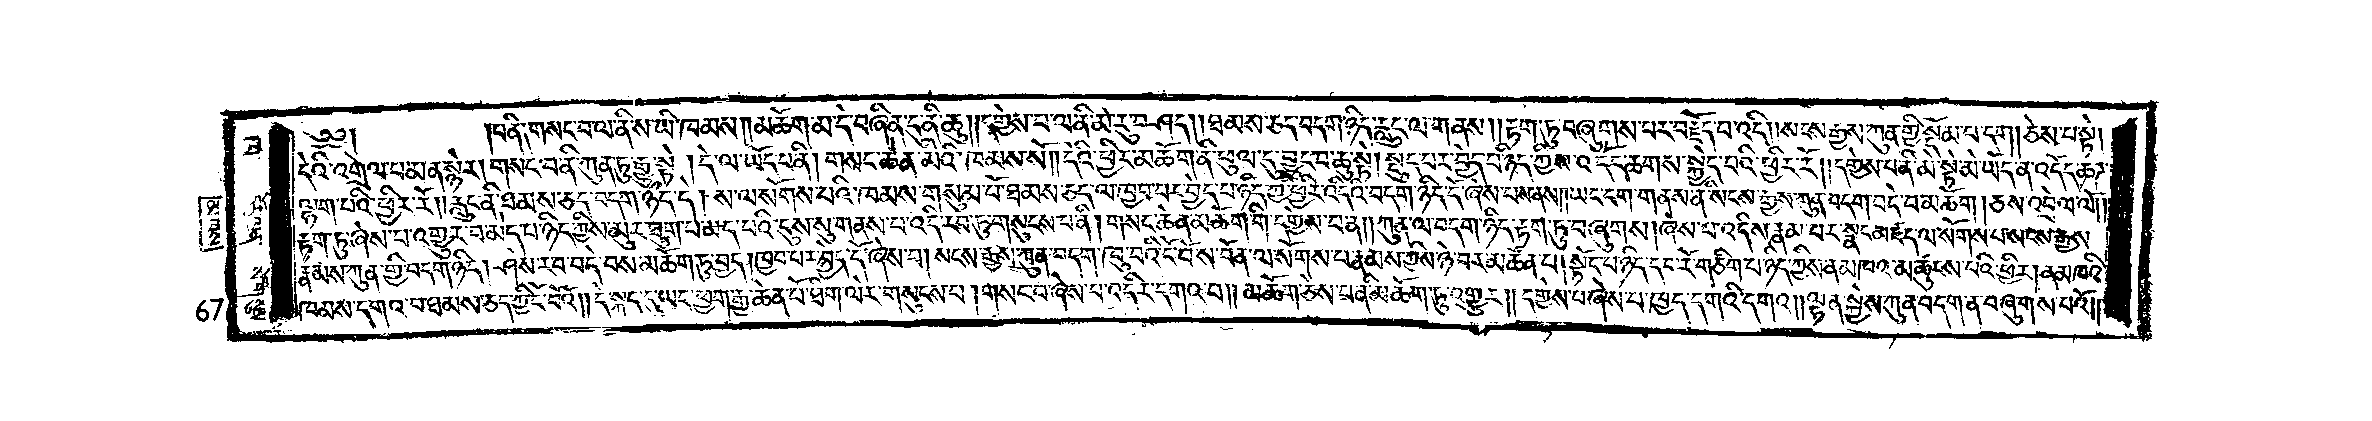༄༅། །པ་ནི། གསང་བ་ལ་ནི་ས་ཡི་ཁམས། །མཆོག་མ་དེ་བཞིན་དུ་ནི་ཆུ། །དགྱེས་པ་ལ་ནི་མེ་རུ་བཤད། །ཐམས་ཅད་བདག་ཉིད་རླུང་ལ་གནས། རྟག་ཏུ་གཞུགས་པར་བརྗོད་པ་འདི། །སངས་རྒྱས་ཀུན་གྱི་སྡོམ་པ་དག། ཅེས་པ་སྟེ། དེའི་འགྲེལ་བ་མན་སྙེར། གསང་བ་ནི་ཀུན་ཏུ་རྒྱུ་སྟེ། དེ་ལ་ཡོད་པ་ནི། གསང་ཆེན་མེའི་ཁམས་སོ། །དེའི་ཕྱིར་མཆོག་གི་ཕུལ་དུ་བྱུང་བ་ཆུ་སྟེ། སྡུད་པར་བྱེད་པ་ཉིད་ཀྱིས་འདོད་ཆགས་སྐྱེད་པའི་ཕྱིར་རོ། །དགྱེས་པ་ནི་མེ་སྟེ་མེ་ཡོད་ན་འདོད་ཆགས་
ལྷག་པའི་ཕྱིར་རོ། །རླུང་ནི་ཐམས་ཅད་བདག་ཉིད་དེ། ས་ལ་སོགས་པའི་ཁམས་གསུམ་པོ་ཐམས་ཅད་ལ་ཁྱབ་པར་བྱེད་པ་ཉིད་ཀྱི་ཕྱིར་འདིའི་བདག་ཉིད་དོ་ཞེས་པས་ནས། །ཡང་དག་གནས་ནི་སངས་རྒྱས་ཀུན་བདག་བདེ་བ་མཆོག །ཅས་འབྲེལ་ལོ། །
རྟག་ཏུ་ཞེས་པ་འགྱུར་བ་མེད་པ་ཉིད་ཀྱིས་མུར་ཐུག་པ་མེད་པའི་དུས་སུ་གནས་པ་འདི་རབ་ཏུ་གསུངས་པ་ནི། གསང་ཆེན་མཆོག་གི་དགྱེས་པ་ན། །ཀུན་ལ་བདག་ཉིད་རྟག་ཏུ་བཞུགས། ཞེས་པ་འདིས་རྣམ་པར་སྣང་མཛད་ལ་སོགས་པ་སངས་རྒྱས་
རྣམས་ཀུན་གྱི་བདག་ཉིད། ཤེས་རབ་བདེ་བས་མཆོག་ཏུ་བྱེད། ཁྱབ་པར་བྱེད་དོ་ཞེས་པ། སངས་རྒྱས་ཀུན་བདག་ཁུ་བའི་ངོ་བོ་ས་བོན་ལ་སོགས་པ་རྣམས་ཀྱིས་ཉེ་བར་མཚོན་པ། སྟོང་པ་ཉིད་དང་རོ་གཅིག་པ་ཉིད་ཀྱིས་ནམ་མཁའ་མཚུངས་པའི་ཕྱིར། ནམ་མཁའི་
ཁམས་དགའ་བ་ཐམས་ཅད་ཀྱི་ངོ་བོའོ། །དེ་སྐད་དུ་ཡང་ཕྱག་རྒྱ་ཆེན་པོ་ཐིག་ལེར་གསུངས་པ། གསང་བ་ཞེས་པ་འདིར་དགའ་བ། །མཆོག་ཅེས་པ་ནི་མཆོག་ཏུ་འགྱུར། །དགྱེས་པ་ཞེས་པ་ཁྱད་དགའི་དགའ། །ལྷན་སྐྱེས་ཀུན་བདག་ན་བཞུགས་པའོ།།